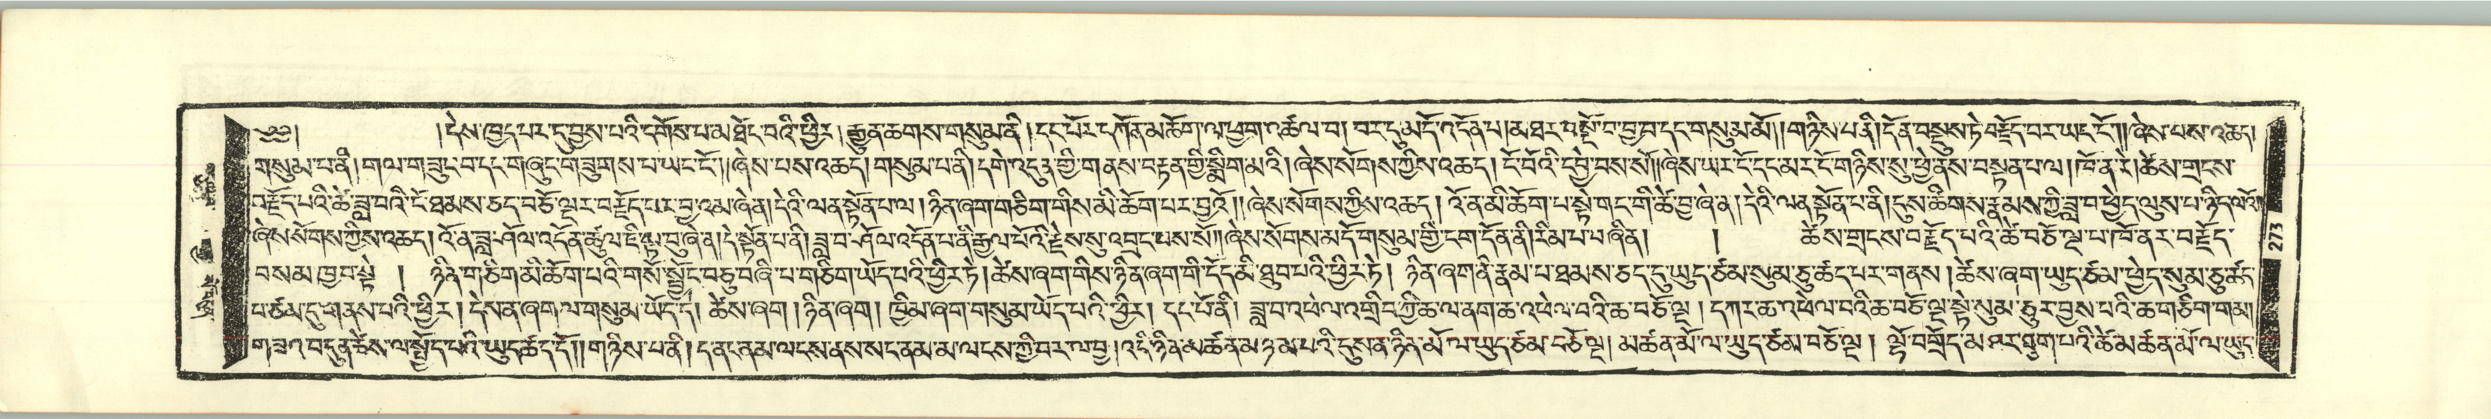༄༅། །དེས་ཁྱད་པར་དུ་བྱས་པའི་དགོས་པ་མཐོང་བའི་ཕྱིར། རྒྱུན་ཆགས་གསུམ་ནི། དང་པོར་དཀོན་མཆོག་ལ་ཕྱག་འཚལ་བ། བར་དུ་མདོ་འདོན་པ། མཐར་བསྔོ་བ་བྱ་བ་དང་གསུམ་མོ། །གཉིས་པ་ནི། དོན་བསྡུས་ཏེ་བརྗོད་པར་ཡང་ངོ། །ཞེས་པས་འཆད།
གསུམ་པ་ནི། གལ་གཟུང་བ་དང་གཞུང་གཟུགས་པ་ཡང་ངོ། །ཞེས་པས་འཆད། གསུམ་པ་ནི། དགེ་འདུན་གྱི་གནས་བརྟན་གྱི་སྨིག་མའི་ཞེས་སོགས་ཀྱིས་འཆད། ངོ་བོའི་དབྱེ་བས་སོ། །ཞེས་ཡར་ངོ་དང་མར་ངོ་གཉིས་སུ་ཕྱེ་ནས་བསྟན་པ་ལ། ཁོ་ན་རེ། ཚེས་གྲངས་
བརྗོད་པའི་ཚེ་ཟླ་བའི་ངོ་ཐམས་ཅད་བཅོ་ལྔར་བརྗོད་པར་བྱ་འམ་ཞེ་ན། དེའི་ལན་སྟོན་པ་ལ། ཉིན་ཞག་གཅིག་གིས་མི་ཆོག་པར་བྱའོ། །ཞེས་སོགས་ཀྱིས་འཆད། འོ་ན་མི་ཆོག་པ་སྟེ་གང་གི་ཚེ་བྱ་ཞེ་ན། དེའི་ལན་སྟོན་པ་ནི། དུས་ཚིགས་རྣམས་ཀྱི་ཟླ་བ་ཕྱེད་ལུས་པ་ཉིད་ལའོ།
ཞེས་སོགས་ཀྱིས་འཆད། འོ་ན་ཟླ་ཤོལ་འདོན་ཚུལ་ཇི་ལྟ་བུ་ཞེ་ན། དེ་སྟོན་པ་ནི། ཟླ་བ་ཤོལ་འདོན་པ་ནི་རྒྱལ་པོའི་རྗེས་སུ་འབྲང་པས་སོ། །ཞེས་སོགས་མདོ་གསུམ་གྱི་ངག་དོན་ནི། རིམ་པ་བཞིན། །ཚེ་གྲངས་བརྗོད་པའི་ཚེ་བཅོ་ལྔ་པ་ཁོ་ནར་བརྗོད་
བསམ་ཁྱབ་སྟེ། ཉིན་གཅིག་མི་ཆོག་པའི་གསོ་སྦྱོང་བཅུ་བཞི་པ་གཅིག་ཡོད་པའི་ཕྱིར་ཏེ། ཚེས་ཞག་གིས་ཉིན་ཞག་གི་དོད་མི་ཐུབ་པའི་ཕྱིར་ཏེ། ཉིན་ཞག་ནི་རྣམ་པ་ཐམས་ཅད་དུ་ཡུད་ཙམ་སུམ་ཅུ་ཚད་པར་གནས། ཚེས་ཞག་ཡུད་ཙམ་ཕྱེད་སུམ་ཅུ་ཚད་
པ་ཙམ་དུ་གནས་པའི་ཕྱིར། དེས་ན་ཞག་ལ་གསུམ་ཡོད་དེ། ཚེས་ཞག །ཉིན་ཞག །ཁྱིམ་ཞག་གསུམ་ཡོད་པའི་ཕྱིར། དང་པོ་ནི། ཟླ་བ་འཕེལ་འགྲིབ་ཀྱི་ཆ་ལ་ནག་ཆ་འཕེལ་བའི་ཆ་བཅོ་ལྔ། དཀར་ཆ་འཕེལ་བའི་ཆ་བཅོ་ལྔ་སྟེ་སུམ་ཅུར་བྱས་པའི་ཆ་གཅིག་གམ།
གཟའ་བདུན་ཚེས་ལ་སྤྱོད་པའི་ཡུད་ཚད་དོ། །གཉིས་པ་ནི། ད་ནང་ནམ་ལངས་ནས་སང་ནམ་མ་ལངས་ཀྱི་བར་ལ་བྱ། འདི་ཉིན་མཚན་མཉམ་པའི་དུས་ན་ཉིན་མོ་ལ་ཡུད་ཙམ་བཅོ་ལྔ། མཚན་མོ་ལ་ཡུད་ཙམ་བཅོ་ལྔ། ལྷོ་བགྲོད་མཐར་ཐུག་པའི་ཚེ་མཚན་མོ་ལ་ཡུད་